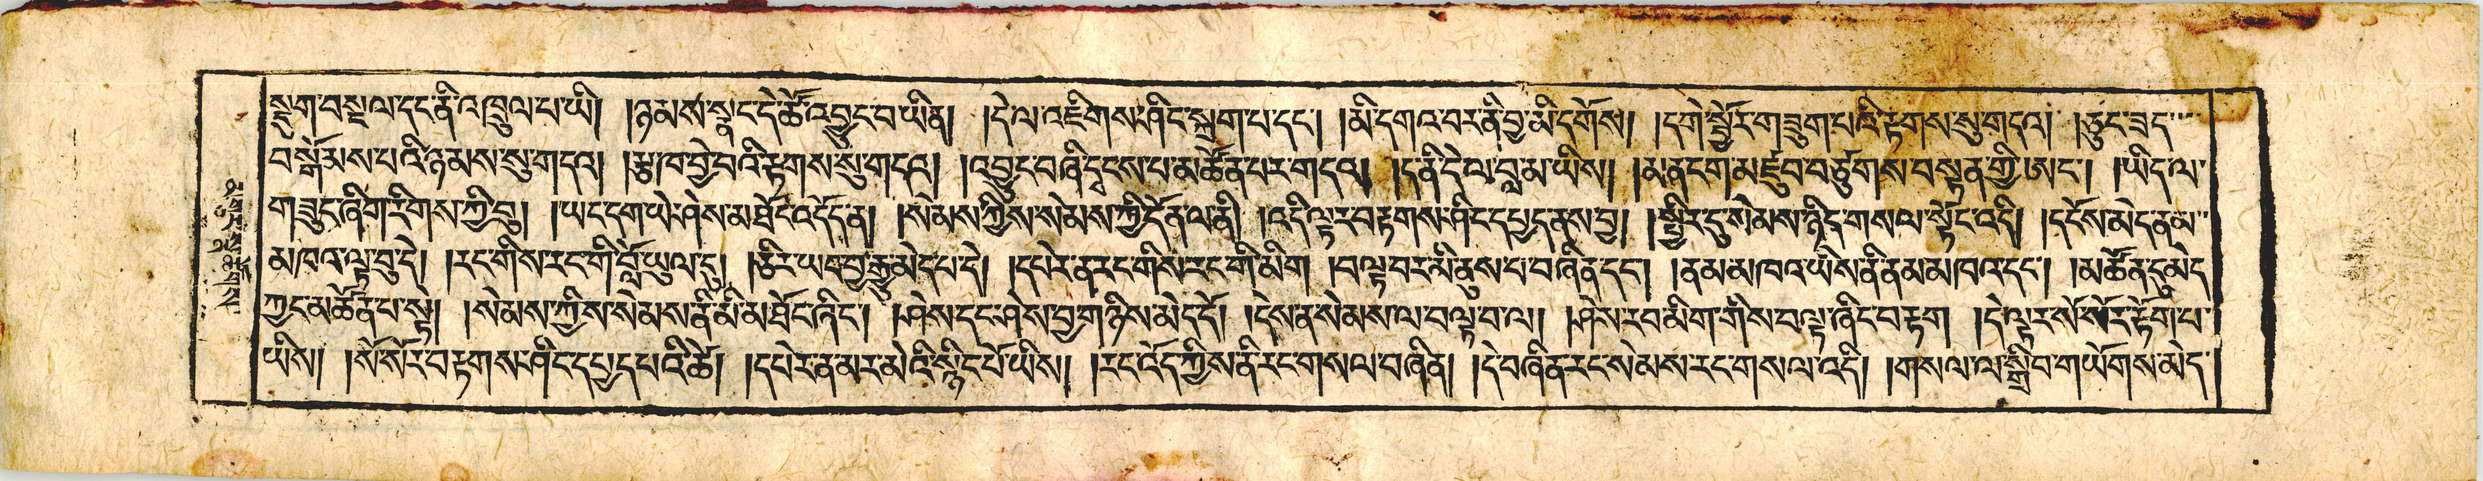སྡུག་བསྔལ་དང་ནི་འཁྲུལ་པ་ཡི། །ཉམས་སྣང་དེ་ཚོ་འབྱུང་བ་ཡིན། །དེ་ལ་འཇིགས་ཤིང་སྐྲག་པ་དང་། །མི་དགའ་བར་ནི་བྱ་མི་དགོས། །དགེ་སྦྱོར་གཟུག་པའི་རྟགས་སུ་གདའ། །ཅུང་ཟད་
བསྒོམས་པའི་ཉམས་སུ་གདའ། །རྩ་ཁ་བྱེ་བའི་རྟགས་སུ་གདའ། །འབྱུང་བཞི་དྭངས་པ་མཚོན་པར་གདའ། །ད་ནི་དེ་ལ་བླ་མ་ཡིས། །མན་ངག་མཛུབ་བཙུགས་བསྟན་གྱི་ཨང་། །ཡིད་ལ་
གཟུང་ཞིག་རིགས་ཀྱི་བུ། །ཡང་དག་ཡེ་ཤེས་མཐོང་འདོད་ན། །སེམས་ཀྱིས་སེམས་ཀྱི་དོན་ལ་ནི། །འདི་ལྟར་བརྟགས་ཤིང་དཔྱད་ནས་བྱ། །སྤྱིར་དུ་སེམས་ཉིད་གསལ་སྟོང་འདི། །དངོས་མེད་ནམ་
མཁའ་ལྟ་བུ་དེ། །རང་གིས་རང་གི་བློ་ཡུལ་དུ། །ཅིར་ཡང་བྱ་རྒྱུ་མེད་པ་དེ། །དཔེར་ན་རང་གིས་རང་གི་མིག །བལྟ་བར་མི་ནུས་པ་བཞིན་དང་། །ནམ་མཁའ་ཡིས་ནི་ནམ་མཁའ་དང་། །མཚོན་དུ་མེད་
ཀྱང་མཚོན་པ་སྟེ། །སེམས་ཀྱིས་སེམས་ནི་མ་མཐོང་ཞིང་། །ཤེས་དང་ཤེས་བྱ་གཉིས་མེད་དོ། །དེས་ན་སེམས་ལ་བལྟ་བ་ལ། ཤེས་རབ་མིག་གིས་བལྟ་ཞིང་བརྟག །དེ་ལྟར་སོ་སོར་རྟོག་པ་
ཡིས། །སོ་སོར་བརྟགས་ཤིང་དཔྱད་པའི་ཚེ། །དཔེར་ན་མར་མེའི་སྙིང་པོ་ཡིས། །རང་འོད་ཀྱིས་ནི་རང་གསལ་བཞིན། །དེ་བཞིན་རང་སེམས་རང་གསལ་འདི། །གསལ་ལ་སྒྲིབ་གཡོགས་མེད་